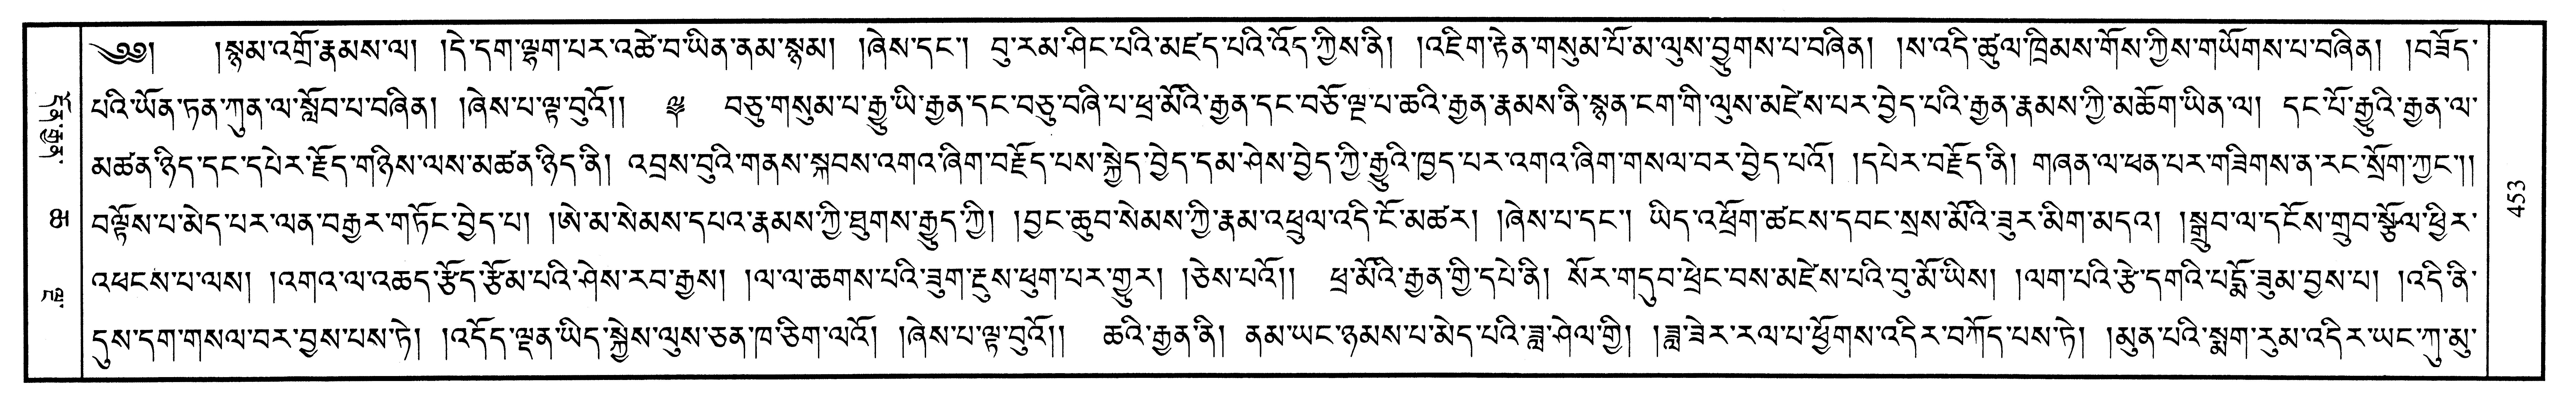༄༅། །སྙམ་འགྲོ་རྣམས་ལ། །དེ་དག་ལྷག་པར་འཚེ་བ་ཡིན་ནམ་སྙམ། །ཞེས་དང་། བུ་རམ་ཤིང་པའི་མཛད་པའི་འོད་ཀྱིས་ནི། །འཇིག་རྟེན་གསུམ་པོ་མ་ལུས་བྱུགས་པ་བཞིན། །ས་འདི་ཚུལ་ཁྲིམས་གོས་ཀྱིས་གཡོགས་པ་བཞིན། །བཟོད་
པའི་ཡོན་ཏན་ཀུན་ལ་སློབ་པ་བཞིན། །ཞེས་པ་ལྟ་བུའོ།། ༈ བཅུ་གསུམ་པ་རྒྱུ་ཡི་རྒྱན་དང་བཅུ་བཞི་པ་ཕྲ་མོའི་རྒྱན་དང་བཅོ་ལྔ་པ་ཆའི་རྒྱན་རྣམས་ནི་སྙན་ངག་གི་ལུས་མཛེས་པར་བྱེད་པའི་རྒྱན་རྣམས་ཀྱི་མཆོག་ཡིན་ལ། དང་པོ་རྒྱུའི་རྒྱན་ལ་
མཚན་ཉིད་དང་དཔེར་རྗོད་གཉིས་ལས་མཚན་ཉིད་ནི། འབྲས་བུའི་གནས་སྐབས་འགའ་ཞིག་བརྗོད་པས་སྐྱེད་བྱེད་དམ་ཤེས་བྱེད་ཀྱི་རྒྱུའི་ཁྱད་པར་འགའ་ཞིག་གསལ་བར་བྱེད་པའོ། །དཔེར་བརྗོད་ནི། གཞན་ལ་ཕན་པར་གཟིགས་ན་རང་སྲོག་ཀྱང།།
བལྟོས་པ་མེད་པར་ལན་བརྒྱར་གཏོང་བྱེད་པ། །ཨེ་མ་སེམས་དཔའ་རྣམས་ཀྱི་ཐུགས་རྒྱུད་ཀྱི། །བྱང་ཆུབ་སེམས་ཀྱི་རྣམ་འཕྲུལ་འདི་ངོ་མཚར། །ཞེས་པ་དང་། ཡིད་འཕྲོག་ཚངས་དབང་སྲས་མོའི་ཟུར་མིག་མདའ། །སྒྲུབ་ལ་དངོས་གྲུབ་སྩོལ་ཕྱིར་
འཕངས་པ་ལས། །འགའ་ལ་འཆད་རྩོད་རྩོམ་པའི་ཤེས་རབ་རྒྱས། །ལ་ལ་ཆགས་པའི་ཟུག་རྔུས་ཕུག་པར་གྱུར། །ཅེས་པའོ།། ཕྲ་མོའི་རྒྱན་གྱི་དཔེ་ནི། སོར་གདུབ་ཕྲེང་བས་མཛེས་པའི་བུ་མོ་ཡིས། །ལག་པའི་རྩེ་དགའི་པདམོ་ཟུམ་བྱས་པ། །འདི་ནི་
དུས་དག་གསལ་བར་བྱས་པས་ཏེ། །འདོད་ལྡན་ཡིད་སྐྱེས་ལུས་ཅན་ཁ་ཅིག་ལའོ། །ཞེས་པ་ལྟ་བུའོ།། ཆའི་རྒྱན་ནི། ནམ་ཡང་ཉམས་པ་མེད་པའི་ཟླ་ཤེལ་གྱི། །ཟླ་ཟེར་རལ་པ་ཕྱོགས་འདིར་བཀོད་པས་ཏེ། །མུན་པའི་སྨག་རུམ་འདིར་ཡང་ཀུ་མུ་